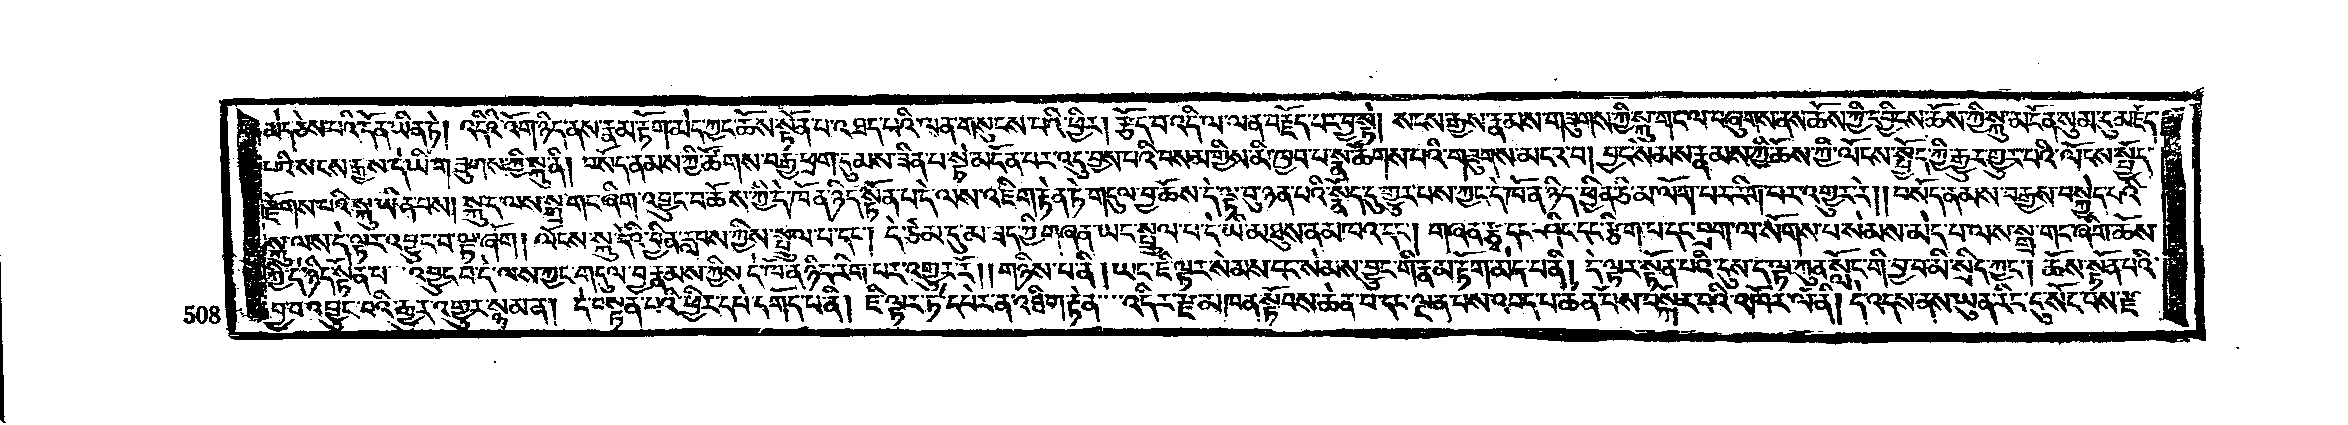མེད་ཅེས་པའི་དོན་ཡིན་ཏེ། འདིའི་འོག་ཉིད་ནས་རྣམ་རྟོག་མེད་ཀྱང་ཆོས་སྟོན་པ་འཐད་པའི་ལན་གསུངས་པའི་ཕྱིར། རྩོད་བ་འདི་ལ་ལན་བརྗོད་པར་བྱ་སྟེ། སངས་རྒྱས་རྣམས་གཟུགས་ཀྱི་སྐུ་གང་ལ་བཞུགས་ནས་ཆོས་ཀྱི་དབྱིངས་ཆོས་ཀྱི་སྐུ་མངོན་སུམ་དུ་མཛད་
བའི་སངས་རྒྱས་དེ་ཡི་གཟུགས་ཀྱི་སྐུ་ནི། བསོད་ནམས་ཀྱི་ཚོགས་བརྒྱ་ཕྲག་དུ་མས་ཟིན་པ་སྟེ་མངོན་པར་འདུ་བྱས་པའི་བསམ་གྱིས་མི་ཁྱབ་པ་སྣ་ཚོགས་པའི་གཟུགས་མངའ་བ། བྱང་སེམས་རྣམས་ཀྱི་ཆོས་ཀྱི་ལོངས་སྤྱོད་ཀྱི་རྒྱུར་གྱུར་པའི་ལོངས་སྤྱོད་
རྫོགས་པའི་སྐུ་ཡིན་པས། སྐུ་དེ་ལས་སྒྲ་གང་ཞིག་འབྱུང་བ་ཆོས་ཀྱི་དེ་ཁོ་ན་ཉིད་སྟོན་པ་དེ་ལས་འཇིག་རྟེན་ཏེ་གདུལ་བྱ་ཆོས་དེ་ལྟ་བུ་ཉན་པའི་སྣོད་དུ་གྱུར་པས་ཀྱང་དེ་ཁོ་ན་ཉིད་ཕྱིན་ཅི་མ་ལོག་པར་རིག་པར་འགྱུར་རོ། །བསོད་ནམས་བརྒྱས་བསྐྱེད་པའི་
སྐུ་ལས་དེ་ལྟར་འབྱུང་བ་ལྟ་ཞོག །ལོངས་སྐུ་དེའི་བྱིན་རླབས་ཀྱིས་སྤྲུལ་པ་དང་། དེ་ཙམ་དུ་མ་ཟད་ཀྱི་གཞན་ཡང་སྤྲུལ་པ་དེ་ཡི་མཐུས་ནམ་མཁའ་དང་། གཞན་རྩྭ་དང་ཤིང་དང་རྩིག་པ་དང་བྲག་ལ་སོགས་པ་སེམས་མེད་པ་ལས་སྒྲ་གང་ཞིག་ཆོས་
ཀྱི་དེ་ཉིད་སྟོན་པ་འབྱུང་བ་དེ་ལས་ཀྱང་གདུལ་བྱ་རྣམས་ཀྱིས་དེ་ཁོ་ན་ཉིད་རིག་པར་འགྱུར་རོ། །གཉིས་པ་ནི། ཡང་ཇི་ལྟར་སེམས་དང་སེམས་བྱུང་གི་རྣམ་རྟོག་མེད་པ་ནི། དེ་ལྟར་སྟོན་པའི་དུས་ད་ལྟ་ཀུན་སློང་གི་བྱ་བ་མི་སྲིད་ཀྱང་། ཆོས་སྟོན་པའི་
བྱ་བ་འབྱུང་བའི་རྒྱུར་འགྱུར་སྙམ་ན། དེ་བསྟན་པའི་ཕྱིར་དཔེ་དགོད་པ་ནི། ཇི་ལྟར་ཏེ་དཔེར་ན་འཇིག་རྟེན་འདིར་རྫ་མཁན་སྟོབས་ཆེན་པ་དང་ལྡན་པས་འབད་པ་ཆེན་པོས་བསྐོར་བའི་འཁོར་ལོ་ནི། དེ་འདས་ནས་ཡུན་རིང་དུ་སོང་བས་རྫ་